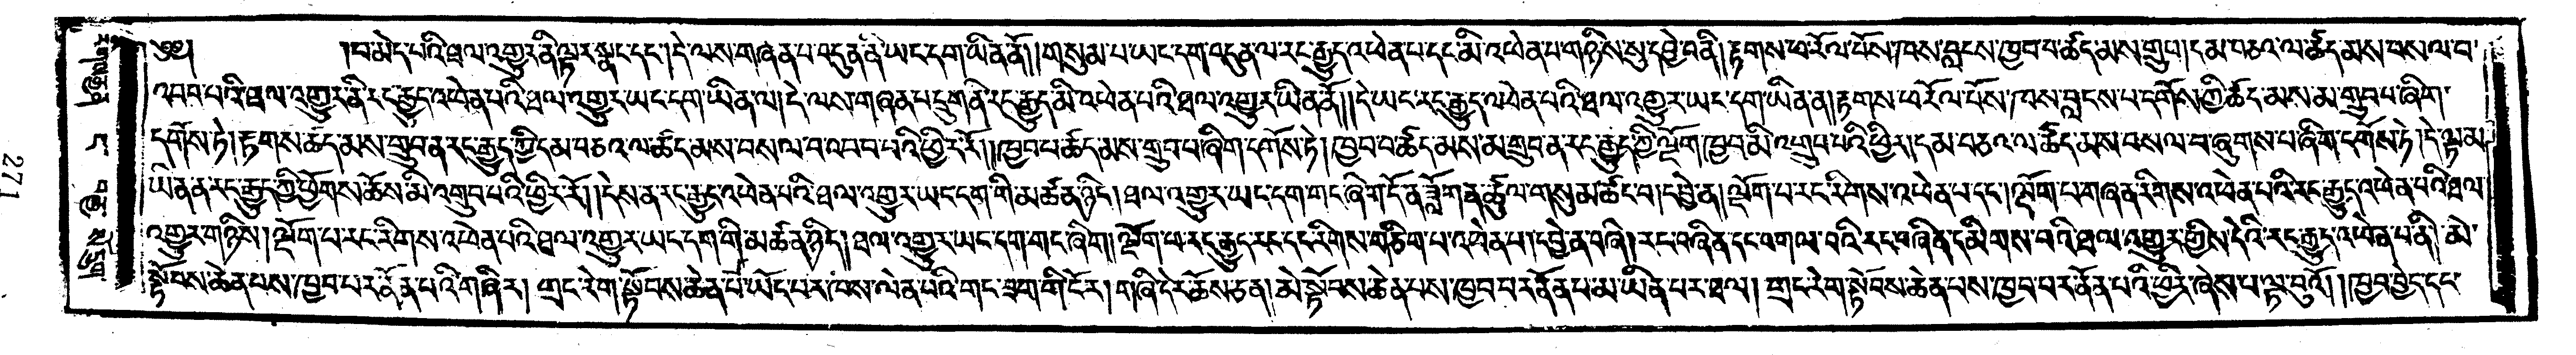༄༅། །བ་མེད་པའི་ཐལ་འགྱུར་ནི་ལྟར་སྣང་དང་། དེ་ལས་གཞན་པ་བདུན་ནི་ཡང་དག་ཡིན་ནོ། །གསུམ་པ་ཡང་དག་བདུན་ལ་རང་རྒྱུད་འཕེན་པ་དང་མི་འཕེན་པ་གཉིས་སུ་དབྱེ་བ་ནི། རྟགས་ཕ་རོལ་པོས་ཁས་བླངས་ཁྱབ་པ་ཚད་མས་གྲུབ། དམ་བཅའ་ལ་ཚད་མས་བསལ་བ་
འབབ་པའི་ཐལ་འགྱུར་ནི་རང་རྒྱུད་འཕེན་པའི་ཐལ་འགྱུར་ཡང་དག་ཡིན་ལ། དེ་ལས་གཞན་པ་དྲུག་ནི་རང་རྒྱུད་མི་འཕེན་པའི་ཐལ་འགྱུར་ཡིན་ནོ། །དེ་ཡང་རང་རྒྱུད་འཕེན་པའི་ཐལ་འགྱུར་ཡང་དག་ཡིན་ན། རྟགས་ཕ་རོལ་པོས་ཁས་བླངས་པ་དགོས་ཀྱི་ཚད་མས་མ་གྲུབ་པ་ཞིག་
དགོས་ཏེ། རྟགས་ཚད་མས་གྲུབ་ན་རང་རྒྱུད་ཀྱི་དམ་བཅའ་ལ་ཚད་མས་བསལ་བ་འབབ་པའི་ཕྱིར་རོ། །ཁྱབ་པ་ཚད་མས་གྲུབ་པ་ཞིག་དགོས་ཏེ། ཁྱབ་པ་ཚད་མས་མ་གྲུབ་ན་རང་རྒྱུད་ཀྱི་ལྡོག་ཁྱབ་མི་འགྲུབ་པའི་ཕྱིར། དམ་བཅའ་ལ་ཚད་མས་བསལ་བ་ཞུགས་པ་ཞིག་དགོས་ཏེ། དེ་ལྟ་མ་
ཡིན་ན་རང་རྒྱུད་ཀྱི་ཕྱོགས་ཆོས་མི་འགྲུབ་པའི་ཕྱིར་རོ། །དེས་ན་རང་རྒྱུད་འཕེན་པའི་ཐལ་འགྱུར་ཡང་དག་གི་མཚན་ཉིད། ཐལ་འགྱུར་ཡང་དག་གང་ཞིག་དོན་ཟློག་ན་ཚུལ་གསུམ་ཚང་བ། དབྱེ་ན། ལྡོག་པ་རང་རིགས་འཕེན་པ་དང་། ལྡོག་པ་གཞན་རིགས་འཕེན་པའི་རང་རྒྱུད་འཕེན་པའི་ཐལ་
འགྱུར་གཉིས། ལྡོག་པ་རང་རིགས་འཕེན་པའི་ཐལ་འགྱུར་ཡང་དག་གི་མཚན་ཉིད། ཐལ་འགྱུར་ཡང་དག་གང་ཞིག །ལྡོག་པ་རང་རྒྱུད་རང་དང་རིགས་གཅིག་པ་འཕེན་པ། དབྱེ་ན་བཞི། རང་བཞིན་དང་འགལ་བའི་རང་བཞིན་དམིགས་པའི་ཐལ་འགྱུར་གྱིས་དེའི་རང་རྒྱུད་འཕེན་པ་ནི། མེ་
སྟོབས་ཆེན་པས་ཁྱབ་པར་ནོན་པའི་གཞིར། གྲང་རེག་སྟོབས་ཆེན་པ་ཡོད་པར་ཁས་ལེན་པའི་གང་ཟག་གི་ངོར། གཞི་དེར་ཆོས་ཅན། མེ་སྟོབས་ཆེན་པས་ཁྱབ་པར་ནོན་པ་མ་ཡིན་པར་ཐལ། གྲང་རེག་སྟོབས་ཆེན་པས་ཁྱབ་པར་ནོན་པའི་ཕྱིར་ཞེས་པ་ལྟ་བུའོ། །ཁྱབ་བྱེད་དང་